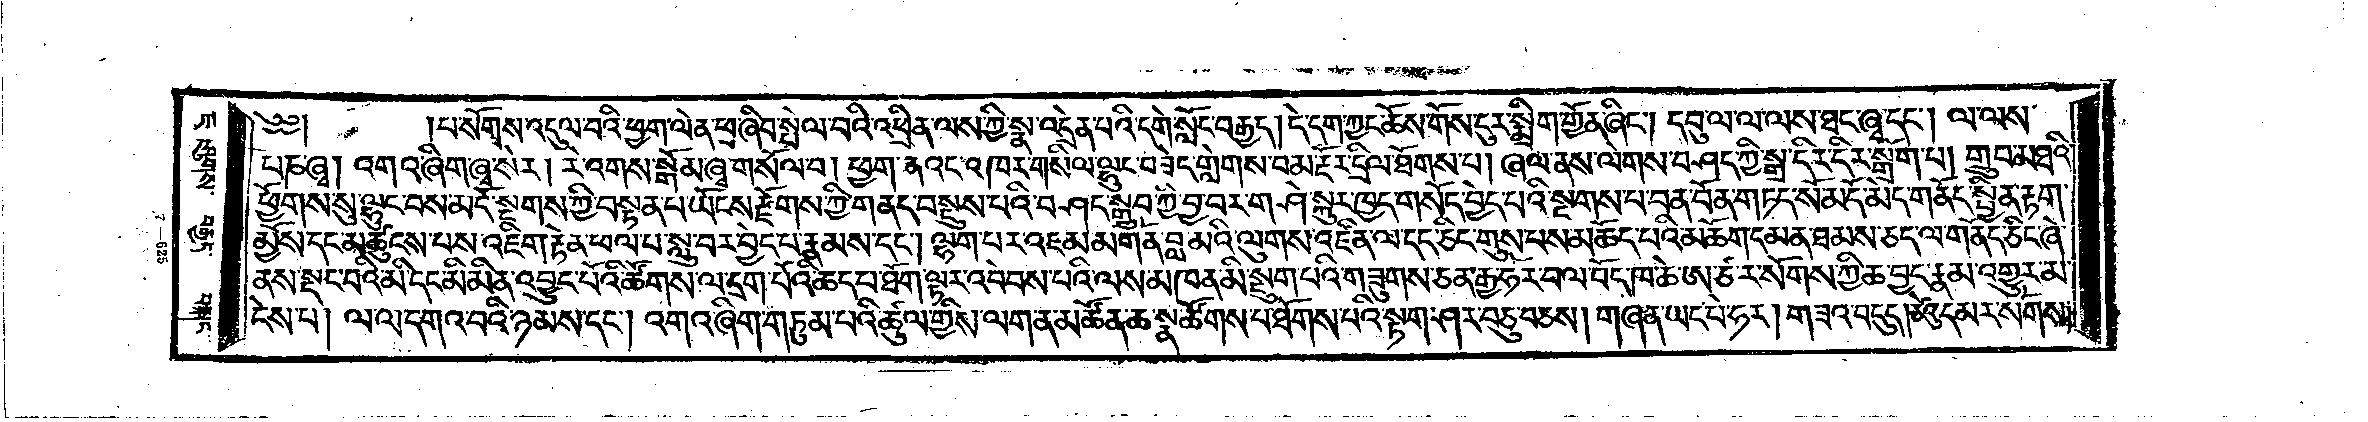༄༅། །པ་སོགས་འདུལ་བའི་ཕྱག་ལེན་ཕྲ་ཞིབ་སྤེལ་བའི་འཕྲིན་ལས་ཀྱི་སྣ་འདྲེན་པའི་དགེ་སློང་བརྒྱད། དེ་དག་ཀྱང་ཆོས་གོས་དུར་སྨྲིག་གྱོན་ཞིང་། དབུ་ལ་ལ་ལས་ཐང་ཞྭ་དང་། ལ་ལས་
པཎ་ཞྭ། འགའ་ཞིག་ཞྭ་སེར། རེ་འགས་སྒོམ་ཞྭ་གསོལ་བ། ཕྱག་ན་འང་འཁར་གསིལ་ལྷུང་བཟེད་གླེགས་བམ་རྡོར་དྲིལ་ཐོས་པ། ཞལ་ནས་ལེགས་བཤད་ཀྱི་སྒྲ་དིར་དིར་སྒྲོག་པ། གྲུབ་མཐའི་
ཕྱོགས་སུ་ལྷུང་བས་མདོ་སྔགས་ཀྱི་བསྟན་པ་ཡོངས་རྫོགས་ཀྱི་གནད་བསྡུས་པའི་བཤད་སྒྲུབ་ཀྱི་བྱ་བར་གཤེ་སྐུར་ཁྱད་གསོད་བྱེད་པའི་སྔགས་པ་བན་བོན་གཏད་སོ་མདོ་མེད་གནོད་སྦྱིན་རྟག་
མྱོས་དང་མཚུངས་པས་འཇིག་རྟེན་ཕལ་བ་སླུ་བར་བྱེད་པ་རྣམས་དང་། ལྷག་པར་འཇམ་མགོན་བླ་མའི་ལུགས་འཛིན་ལ་དད་ཅིང་གུས་པས་མཆོད་པའི་མཆོག་དམན་ཐམས་ཅད་ལ་གནོད་ཅིང་ཞེ་
ནས་སྡང་བའི་མི་དང་མི་མིན་འབྱུང་པོའི་ཚོགས་ལ་དྲག་པོའི་ཆད་པ་ཐོག་ལྟར་འབེབས་པའི་ལས་མཁན་མི་སྡུག་པའི་གཟུགས་ཅན་རྒྱ་ཧོར་བལ་བོད་ཁ་ཆེ་ཨ་ཙ་ར་སོགས་ཀྱི་ཆ་བྱད་རྣམ་འགྱུར་མ་
ངེས་པ། ལ་ལ་དགའ་བའི་ཉམས་དང་། འགའ་ཞིག་གཏུམ་པའི་ཚུལ་གྱིས་ལག་ན་མཚོན་ཆ་སྣ་ཚོགས་པ་ཐོགས་པའི་སྟག་ཤར་བཅུ་བཅས། གཞན་ཡང་བེ་ཧར། གཟའ་བདུད། ཅོའུ་དམར་སོགས།